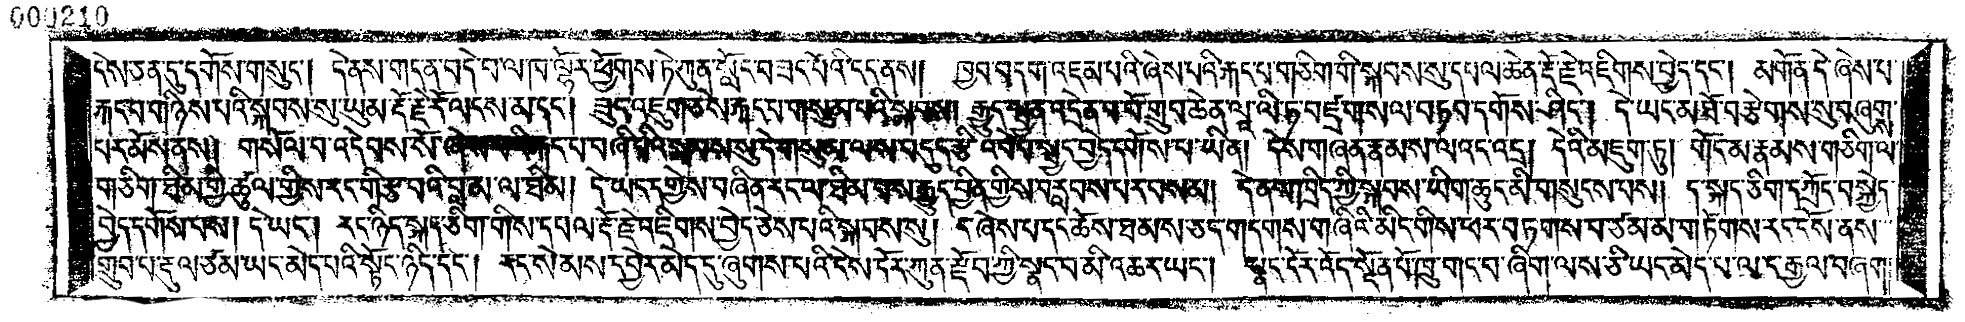ངེས་ཅན་དུ་དགོས་གསུང་། དེ་ནས་གདན་བདེ་བ་ལ་ཁ་ལྷོར་ཕྱོགས་ཏེ་ཀུན་སློང་བཟང་པོའི་ངང་ནས། ཁྱབ་བདག་འཇམ་པའི་ཞེས་པའི་རྐང་པ་གཅིག་གི་སྐབས་སུ་དཔལ་ཆེན་རྡོ་རྗེ་འཇིགས་བྱེད་དང་། མགོན་དེ་ཞེས་པ་
རྐང་པ་གཉིས་པའི་སྐབས་སུ་ཡུམ་རྡོ་རྗེ་རོ་ལངས་མ་དང་། ཟུང་འཇུག་ཅེས་རྐང་པ་གསུམ་པའི་སྐབས། རྒྱུད་སྤྱན་འདྲེན་པ་པོ་གྲུབ་ཆེན་ལཱ་ལི་ཏ་བཛྲ་གསལ་བཏབ་དགོས་ཤིང་། དེ་ཡང་མཐོ་བརྩེགས་སུ་བཞུགས་
པར་མོས་ནས། གསོལ་བ་འདེབས་སོ་ཞེས་པའི་རྐང་པ་བཞི་པའི་སྐབས་སུ་དེ་གསུམ་ལས་བདུད་རྩི་འབེབ་སྦྱང་བྱེད་དགོས་པ་ཡིན། དེས་གཞན་རྣམས་ལའང་འདྲ། དེའི་མཇུག་ཏུ། གོང་མ་རྣམས་གཅིག་ལ་
གཅིག་ཐིམ་གྱི་ཚུལ་གྱིས་རང་གི་རྩ་བའི་བླ་མ་ལ་ཐིམ། དེ་ཡང་དགྱེས་བཞིན་རང་ལ་ཐིམ་པས་རྒྱུད་བྱིན་གྱིས་བརླབས་པར་བསམ། དེ་ནས་ཁྲིད་ཀྱི་སྐབས་ཡིག་ཆུང་མི་གསུངས་བས། ད་སྐད་ཅིག་དཀྲོང་བསྐྱེད་
བྱེད་དགོས་པས། དེ་ཡང་། རང་ཉིད་སྐད་ཅིག་གིས་དཔལ་རྡོ་རྗེ་འཇིགས་བྱེད་ཅེས་པའི་སྐབས་སུ། ང་ཞེས་པ་དང་ཆོས་ཐམས་ཅད་གདགས་གཞིའི་མིང་གིས་ཕར་བཏགས་པ་ཙམ་མ་གཏོགས་རང་ངོས་ནས་
གྲུབ་པ་རྡུལ་ཙམ་ཡང་མེད་པའི་སྟོང་ཉིད་དང་། རང་སེམས་དབྱེར་མེད་དུ་ཞུགས་པའི་ངེས་ངོར་ཀུན་རྫོབ་ཀྱི་སྣང་བ་མི་འཆར་ཡང་། སྣང་ངོར་འོད་སྔོན་པོ་ཁྲུ་གང་བ་ཞིག་ལས་ཅི་ཡང་མེད་པ་ལ་ང་རྒྱལ་བཞག །